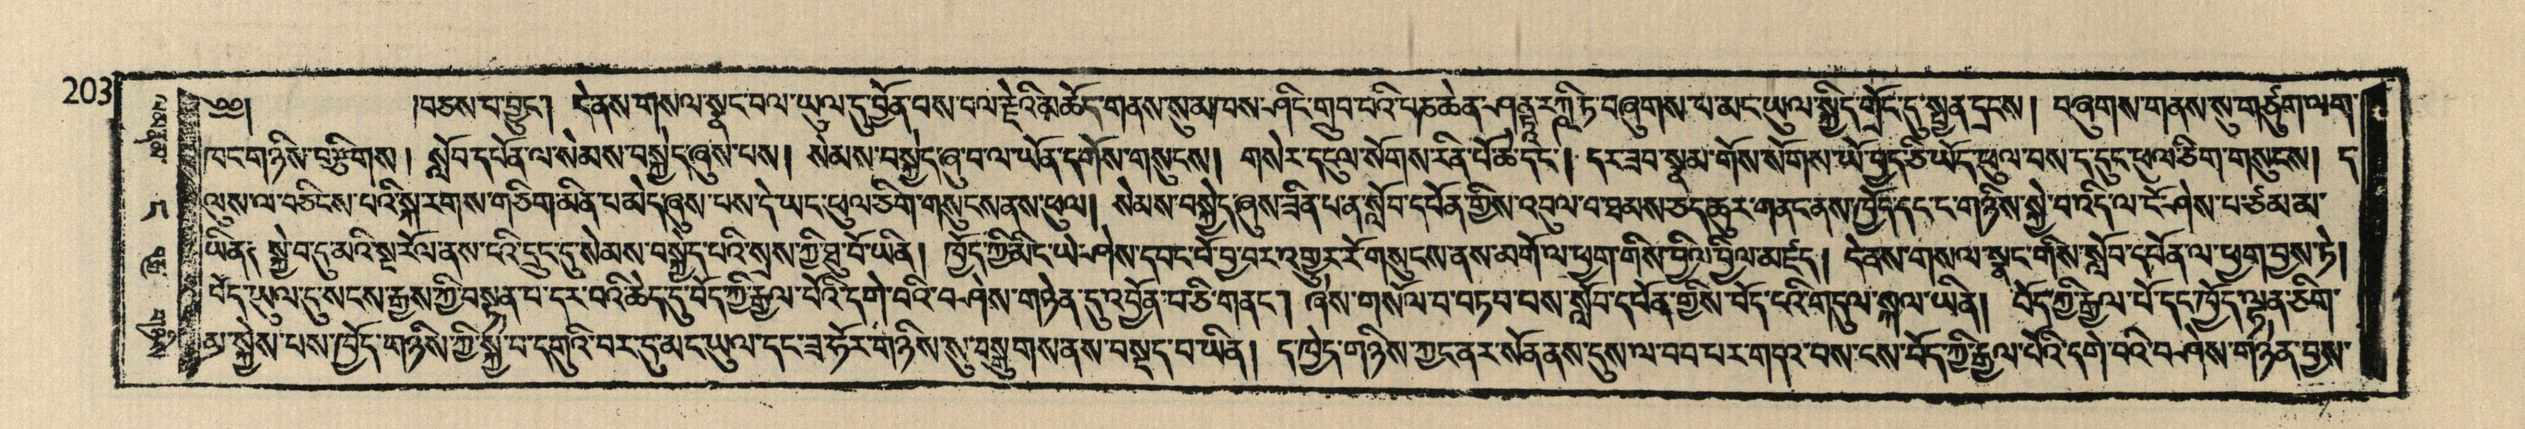༄༅། །བཅས་པ་བྱུང་། དེ་ནས་གསལ་སྣང་བལ་ཡུལ་དུ་བྱོན་པས་བལ་རྗེའི་མཆོད་གནས་སུ་མཁས་ཤིང་གྲུབ་པའི་པཎ་ཆེན་ཤནྟཱ་རཀྵི་ཏ་བཞུགས་པ་མང་ཡུལ་སྐྱིད་གྲོང་དུ་སྤྱན་དྲངས། བཞུགས་གནས་སུ་གཙུག་ལག་
ཁང་གཉིས་བརྩིགས། སློབ་དཔོན་ལ་སེམས་བསྐྱེད་ཞུས་པས། སེམས་བསྐྱེད་ཞུ་བ་ལ་ཡོན་དགོས་གསུངས། གསེར་དངུལ་སོགས་རིན་པོ་ཆེ་དང་། དར་ཟབ་སྣམ་གོས་སོགས་ཡོ་བྱད་ཅི་ཡོད་ཕུལ་བས་ད་དུང་ཕུལ་ཅིག་གསུངས། ད་
ལུས་ལ་བཅིངས་པའི་སྐ་རགས་གཅིག་མིན་པ་མེད་ཞུས་པས་དེ་ཡང་ཕུལ་ཅིག་གསུངས་ནས་ཕུལ། སེམས་བསྐྱེད་ཞུས་ཟིན་པ་ན་སློབ་དཔོན་གྱིས་འབུལ་བ་ཐམས་ཅད་ཆུར་གནང་ནས་ཁྱོད་དང་ང་གཉིས་སྐྱེ་བ་འདི་ལ་ངོ་ཤེས་པ་ཙམ་མ་
ཡིན༑ སྐྱེ་བ་དུ་མའི་སྔ་རོལ་ནས་ངའི་དྲུང་དུ་སེམས་བསྐྱེད་པའི་སྲས་ཀྱི་ཐུ་བོ་ཡིན། ཁྱོད་ཀྱི་མིང་ཡེ་ཤེས་དབང་པོ་བྱ་བར་འགྱུར་རོ་གསུངས་ནས་མགོ་ལ་ཕྱག་གིས་བྱིལ་བྱིལ་མཛད། དེ་ནས་གསལ་སྣང་གིས་སློབ་དཔོན་ལ་ཕྱག་བྱས་ཏེ།
བོད་ཡུལ་དུ་སངས་རྒྱས་ཀྱི་བསྟན་པ་དར་བའི་ཆེད་དུ་བོད་ཀྱི་རྒྱལ་བོའི་དགེ་བའི་བཤེས་གཉེན་དུ་འབྱོན་པ་ཅི་གནང་། ཞེས་གསོལ་བ་བཏབ་བས་སློབ་དཔོན་གྱིས་བོད་ངའི་གདུལ་སྐལ་ཡིན། བོད་ཀྱི་རྒྱལ་པོ་དང་ཁྱོད་ལྷན་ཅིག་
མ་སྐྱེས་པས་ཁྱོད་གཉིས་ཀྱི་སྐྱེ་བ་དགུའི་བར་དུ་མང་ཡུལ་དང་ཟ་ཧོར་གཉིས་སུ་བསྒུགས་ནས་བསྡད་བ་ཡིན། ད་ཁྱེད་གཉིས་ཀྱང་ནར་སོན་ནས་དུས་ལ་བབ་པར་གདའ་བས་ངས་བོད་ཀྱི་རྒྱལ་པོའི་དགེ་བའི་བཤེས་གཉེན་བྱས་